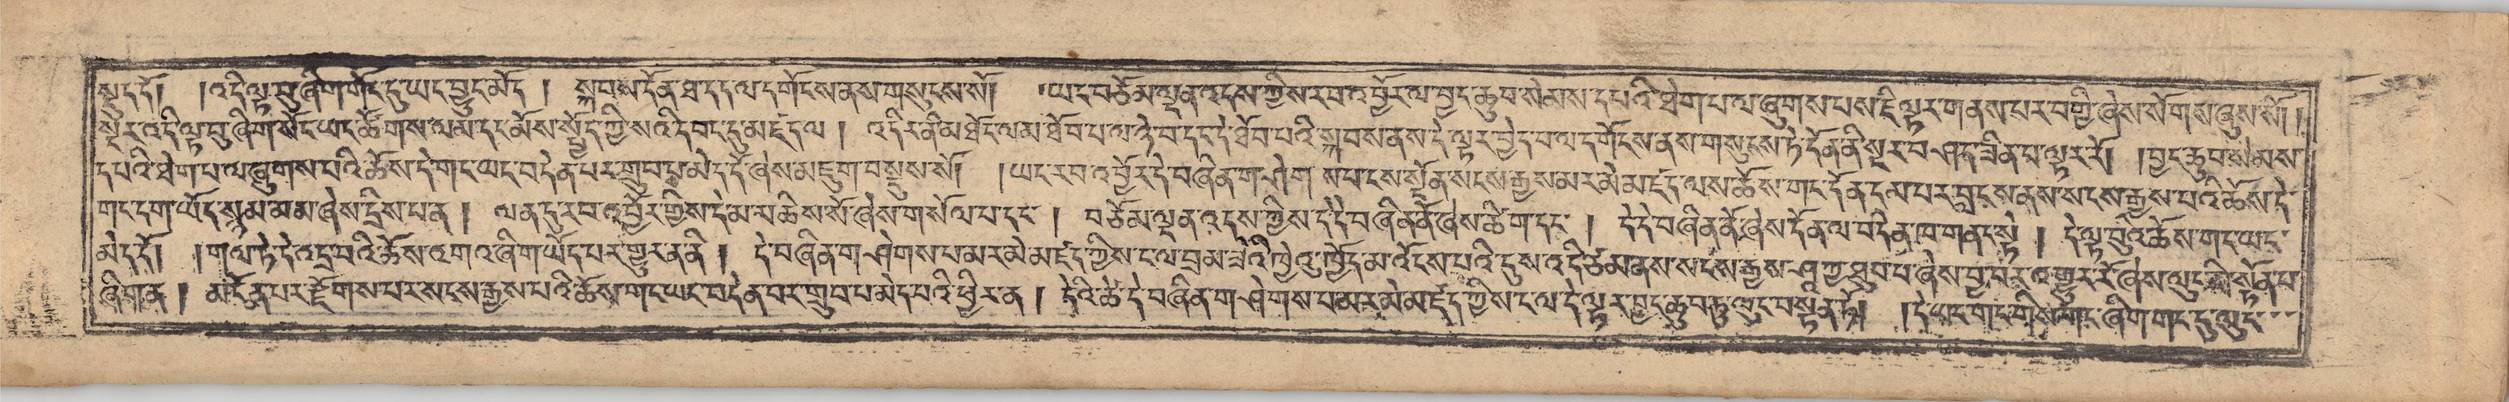སྡུད་དོ། །འདི་ལྟ་བུ་ཞིག་གོང་དུ་ཡང་བྱུང་མོད། སྐབས་དོན་ཐ་དད་ལ་དགོངས་ནས་གསུངས་སོ། །ཡང་བཅོམ་ལྡན་འདས་ཀྱིས་རབ་འབྱོར་ལ་བྱང་ཆུབ་སེམས་དཔའི་ཐེག་པ་ལ་ཞུགས་པས་ཇི་ལྟར་གནས་པར་བགྱི་ཞེས་སོགས་ཞུས་སོ། །
སྔར་འདི་ལྟ་བུ་ཞིག་སོང་ཡང་ཚོགས་ལམ་དང་མོས་སྤྱོད་ཀྱིས་འདི་དབང་དུ་མཛད་ལ། འདིར་ནི་མཐོང་ལམ་ཐོབ་པ་ལ་ཉེ་བ་དང་དེ་ཐོབ་པའི་སྐབས་ནས་དེ་ལྟར་བྱེད་པ་ལ་དགོངས་ནས་གསུངས་ཏེ་དོན་ནི་སྔར་བཤད་ཟིན་པ་ལྟར་རོ། །བྱང་ཆུབ་སེམས་
དཔའི་ཐེག་པ་ལ་ཞུགས་པའི་ཆོས་དེ་གང་ཡང་བདེན་པར་གྲུབ་པ་མེད་དོ་ཞེས་མཇུག་བསྡུས་སོ། །ཡང་རབ་འབྱོར་དེ་བཞིན་གཤེགས་པ་ངས་སྔོན་སངས་རྒྱས་མར་མེ་མཛད་ལས་ཆོས་གང་དོན་དམ་པར་བླངས་ནས་སངས་རྒྱས་པའི་ཆོས་དེ་
གང་དག་ཡོད་སྙམ་མམ་ཞེས་དྲིས་པ་ན། ལན་དུ་རབ་འབྱོར་གྱིས་དེ་མ་མཆིས་སོ་ཞེས་གསོལ་བ་དང་། བཅོམ་ལྡན་འདས་ཀྱིས་དེ་དེ་བཞིན་ནོ་ཞེས་ཚིག་དང་། དེ་དེ་བཞིན་ནོ་ཞེས་དོན་ལ་བདེན་ཁ་གནང་སྟེ། དེ་ལྟ་བུའི་ཆོས་གང་ཡང་
མེད་དོ། །གལ་ཏེ་དེ་འདྲ་བའི་ཆོས་འགའ་ཞིག་ཡོད་པར་གྱུར་ན་ནི། དེ་བཞིན་གཤེགས་པ་མར་མེ་མཛད་ཀྱིས་ང་ལ་བྲམ་ཟེའི་ཁྱེའུ་ཁྱོད་མ་འོངས་པའི་དུས་འདི་ཙམ་ནས་སངས་རྒྱས་ཤཱཀྱ་ཐུབ་པ་ཞེས་བྱ་བར་འགྱུར་རོ་ཞེས་ལུང་མི་སྟོན་པ་
ཞེག་ན། མངོན་པར་རྫོགས་པར་སངས་རྒྱས་པའི་ཆོས་གང་ཡང་བདེན་པར་གྲུབ་པ་མེད་པའི་ཕྱིར་ན། དེའི་ཚེ་དེ་བཞིན་གཤེགས་པ་མར་མེ་མཛད་ཀྱིས་ང་ལ་དེ་ལྟར་བྱང་ཆུབ་ཏུ་ལུང་བསྟན་ཏོ། །དེ་ཡང་གང་གིས་གང་ཞིག་གང་དུ་ལུང་